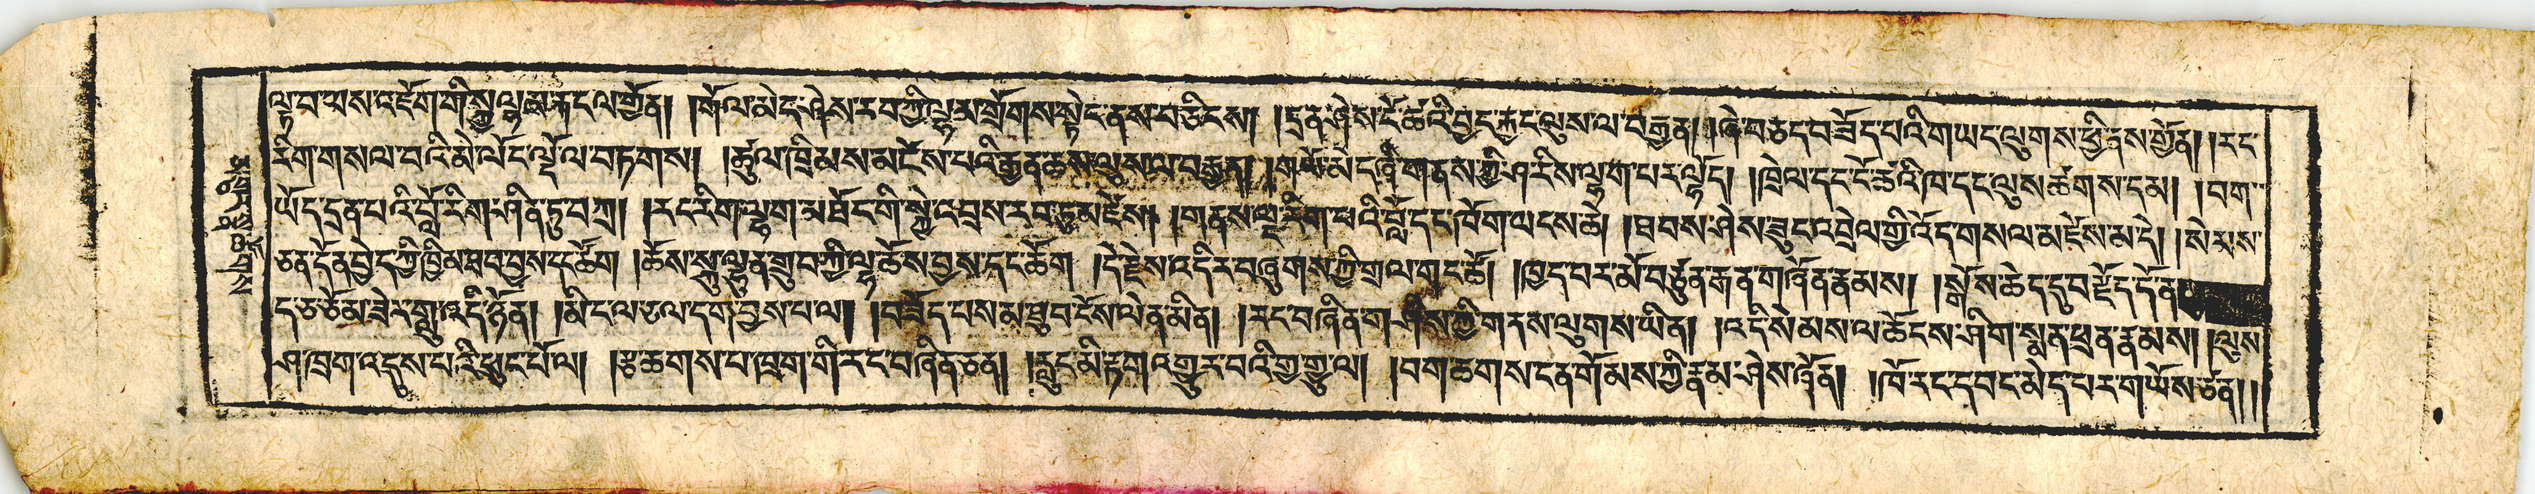ལྟ་བ་ལས་འཇོག་གི་སྐྱ་ལྷམ་རྐང་ལ་གྱོན། །གོལ་མེད་ཤེས་རབ་ཀྱི་ལྷམ་གྲོགས་སྟེང་ནས་བཅིངས། །དྲན་ཤེས་ངོ་ཚའི་བྱང་རྐྱང་ལུས་ལ་བརྒྱན། །ཞེ་བཅད་བཟོད་པའི་གཡང་ལུགས་ཕྱི་ནས་གྱོན། །རང་
རིག་གསལ་བའི་མེ་ལོང་གློ་ལ་བཏགས། །ཚུལ་ཁྲིམས་མཛེས་པའི་རྒྱན་ཆས་ལུས་ལ་བརྒྱན། །གཡོ་མེད་ཞི་གནས་ཀྱི་ཤ་རིས་ལྷག་པར་ལྷོད། །ཁྲེལ་དང་ངོ་ཚའི་ཁ་དང་ལུས་ཚགས་དམ། །བག་
ཡོད་དྲན་པའི་བློ་རིག་ཤིན་ཏུ་བཀྲ། །རང་རིག་ལྷག་མཐོང་གི་སྐྱེ་འབྲས་རབ་ཏུ་མཛེས། །གནས་ལྔ་རིག་པའི་བློ་དང་ཁོག་ལངས་ཚེ། །ཐབས་ཤེས་ཟུང་འབྲེལ་གྱི་འོད་གསལ་མཛེས་མ་དེ། །སེམས་
ཅན་དོན་བྱེད་ཀྱི་ཁྱིམ་ཐབ་བྱས་དང་ཆོག། །ཆོས་སྐུ་ལྷུན་གྲུབ་ཀྱི་ལྷ་ཆོས་བྱས་དང་ཆོག །དེ་རྗེས་འདིར་བཞུགས་ཀྱི་གྲལ་གང་ཚོ། །ཁྱད་པར་མོ་བཙུན་རྒན་གཞོན་རྣམས། །སྒོས་ཆེད་དུ་བརྗོད་དོ་ན་ཆུང་རྣམས། །
ད་ཅ་ཅོ་མ་ཟེར་གླུ་འདི་ཉོན། །མི་ང་ལ་ཅལ་དག་བྱས་པ་ལ། །བཟོད་པས་མ་ཐུབ་ངོས་ལེན་མིན། །རང་བཞིན་གཤིས་ཀྱི་གནས་ལུགས་ཡིན། །འདི་སེམས་ལ་ཆོངས་ཤིག་སྨན་ཕྲན་རྣམས། །ལུས་
ཤ་ཁྲག་འདུས་པའི་ཕུང་པོ་ལ། །རྩ་ཆགས་པ་ཁྲག་གི་རང་བཞིན་ཅན། །རླུང་མི་རྟག་འགྱུར་བའི་གྱ་གྱུ་ལ། །བག་ཆགས་ངན་གོམས་ཀྱི་རྣམ་ཤེས་ཞོན། །ཁོ་རང་དབང་མེ་ད་པར་གཡོས་ཙ་ན། །